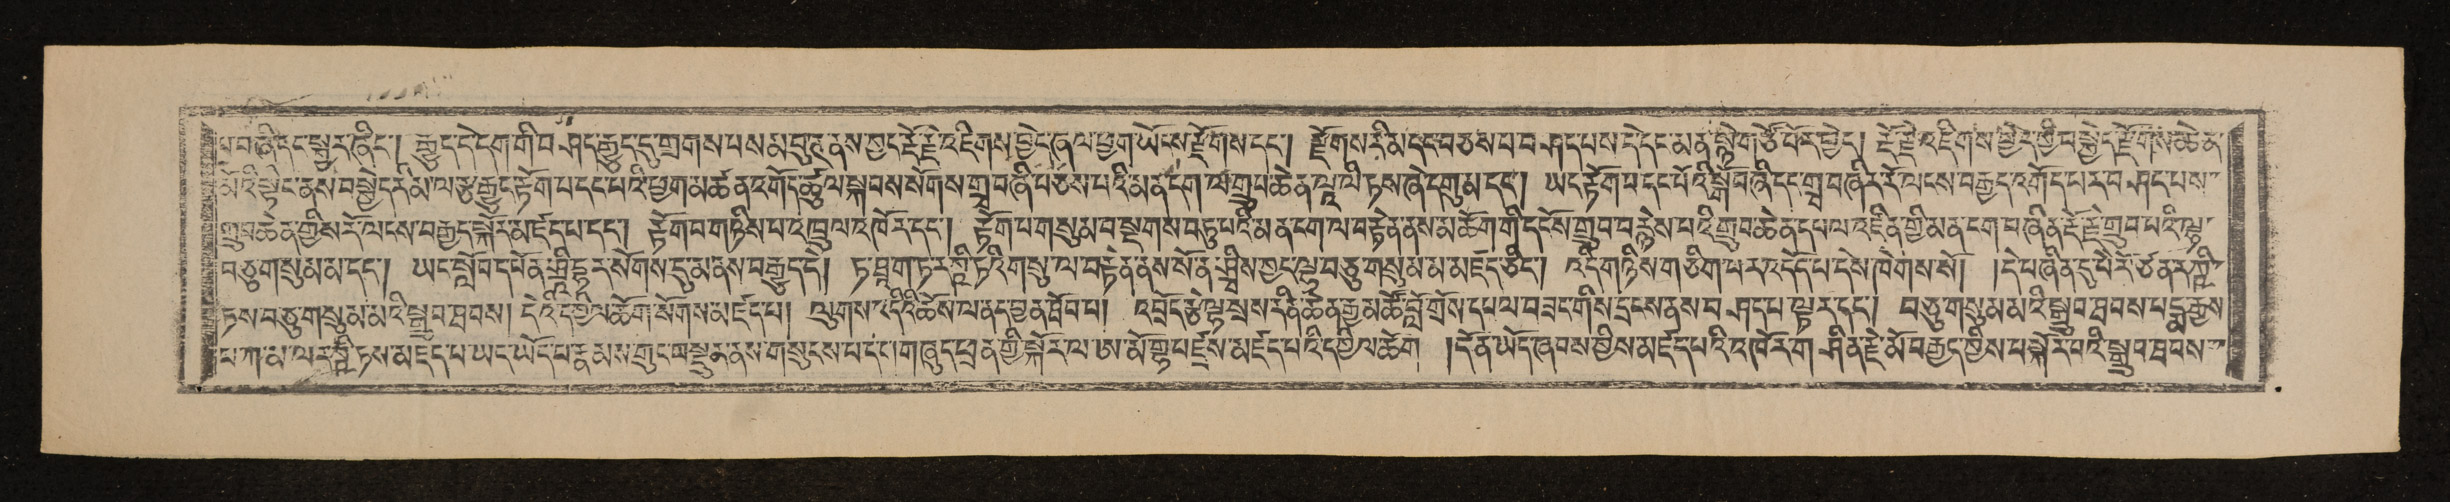པ་བཞི་དང་སྦྱར་ཞིང་། རྒྱུད་དེ་དག་གི་བཤད་རྒྱུད་དུ་གྲགས་པ་སམ་པུ་ཊ་ནས་ཀྱང་རྡོ་རྗེ་འཇིགས་བྱེད་ཞལ་ཕྱག་ཡོངས་རྫོགས་དང་། རྫོགས་རིམ་དང་བཅས་པ་བཤད་པས་དེ་དང་མན་སྙེ་གཙོ་བོར་བྱེད། རྡོ་རྗེ་འཇིགས་བྱེད་ཀྱི་བསྐྱེད་རྫོགས་ཆེན་
མོའི་སྟེང་ནས་བསྐྱེད་རིམ་ལ་རྩ་རྒྱུད་རྟོག་པ་དང་པོའི་ཕྱག་མཚན་འགོད་ཚུལ་སྐབས་སོགས་གྲྭ་བཞི་བཅས་པའི་མན་ངག་ལ་གྲུབ་ཆེན་ལཱ་ལི་ཏས་ཞེ་དགུ་མ་དང་། ཡང་རྟོག་པ་དང་པོའི་སྒོ་བཞི་དང་གྲྭ་བཞིར་རོ་ལངས་བརྒྱད་འགོད་པར་བཤད་པས་
གྲུབ་ཆེན་གྱིས་རོ་ལངས་བརྒྱད་སྐོར་མཛད་པ་དང་། རྟོག་པ་གཉིས་པ་འཁྲུལ་འཁོར་དང་། རྟོག་པ་གསུམ་པ་སྔགས་བཏུ་བའི་མན་ངག་ལ་བརྟེན་ནས་མཆོག་གི་དངོས་གྲུབ་བརྙེས་པའི་གྲུབ་ཆེན་དཔལ་འཛིན་གྱི་མན་ངག་བཞིན་རྡོ་རྗེ་གྲུབ་པའི་ལྷ་
བཅུ་གསུམ་མ་དང་། ཡང་སློབ་དཔོན་ཤྲཱི་དྷ་ར་སོགས་དུ་མ་ནས་བརྒྱུད་དེ། ཏ་ཐཱ་ག་ཏ་རཀྵི་ཏའི་གསུང་ལ་བརྟེན་ནས་སོན་ཤྲཱིས་ཀྱང་ལྷ་བཅུ་གསུམ་མ་མཛད་ཅིང་། འདི་གཉིས་གཅིག་པར་འདོད་པ་དེས་ཁེགས་སོ། །དེ་བཞིན་དུ་བཻ་རོ་ཙ་ན་རཀྵི་
ཏས་བཅུ་གསུམ་མའི་སྒྲུབ་ཐབས། དེའི་དཀྱིལ་ཆོག་སོགས་མཛད་པ། ལུགས་འདིའི་ཆོས་ལ་ནང་བྱན་ཐོབ་པ། འབྲོང་རྩེ་ལྷ་སྲས་རིན་ཆེན་རྒྱ་མཚོ་བློ་གྲོས་དཔལ་བཟང་གིས་དྲངས་ནས་བཤད་པ་ལྟར་དང་། བཅུ་གསུམ་མའི་སྒྲུབ་ཐབས་པདམ་རྒྱས་
བ་ཀ་མ་ལ་རཀྵི་ཏས་མཛད་པ་ཡང་ཡོད་པ་རྣམས་གུང་བསྡུར་ནས་གསུངས་པ་དག་གཞུང་ཕྲན་གྱི་སྐོར་ལ་ཨ་མོ་གྷ་བཛྲས་མཛད་པའི་དཀྱིལ་ཆོག །དོན་ཡོད་ཞབས་ཀྱིས་མཛད་པའི་འཁོར་གཤིན་རྗེ་མོ་བརྒྱད་ཀྱིས་བསྐོར་བའི་སྒྲུབ་ཐབས་